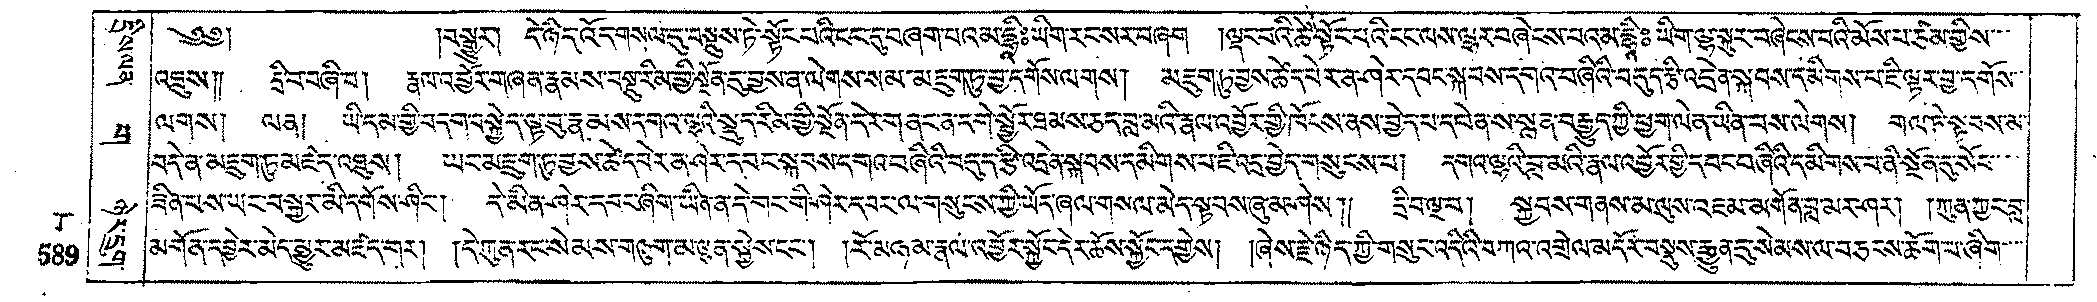༄༅། །བསྒྱུར། དེ་ཉིད་འོད་གསལ་དུ་བསྡུས་ཏེ་སྟོང་པའི་ངང་དུ་བཞག་པའམ་དྷཱིཿ ཡིག་རང་སར་བཞག །ལྡང་བའི་ཚེ་སྟོང་པའི་ངང་ལས་ལྷར་བཞེངས་པའམ་དྷཱིཿ ཡིག་ལྷ་སྐུར་བཞེངས་པའི་མོས་པ་ཙམ་གྱིས་་་
འཐུས།། དྲི་བ་བཞི་པ། རྣལ་འབྱོར་གཞན་རྣམས་བསྡུ་རིམ་གྱི་སྔོན་དུ་བྱས་ན་ལེགས་སམ་མཇུག་ཏུ་བྱ་དགོས་ལགས། མཇུག་ཏུ་བྱས་ཚེ་དཔེར་ན་ཤེར་དབང་སྐབས་དགའ་བཞིའི་བདུད་རྩི་འདྲེན་སྐབས་དམིགས་པ་ཇི་ལྟར་བྱ་དགོས་་་
ལགས། ལན། ཡི་དམ་གྱི་བདག་བསྐྱེད་ལྟ་བུ་རྣམས་དགའ་ལྷའི་སྡུད་རིམ་གྱི་སྔོན་དེར་གནང་ན་དགེ་སྦྱོར་ཐམས་ཅད་བླ་མའི་རྣལ་འབྱོར་གྱི་ཁོངས་ནས་བྱེད་པ་དབེན་ས་སྙན་བརྒྱུད་ཀྱི་ཕྱག་ལེན་ཡིན་པས་ལེགས། གལ་ཏེ་སྟབས་མ་
བདེ་ན་མཇུག་ཏུ་མཛད་འཐུས། ཡང་མཇུག་ཏུ་བྱས་ཚེ་དཔེར་ན་ཤེར་དབང་སྐབས་དགའ་བཞིའི་བདུད་རྩི་འདྲེན་སྐབས་དམིགས་པ་ཇི་འདྲ་བྱེད་གསུངས་པ། དགའ་ལྷའི་བླ་མའི་རྣལ་འབྱོར་གྱི་དབང་བཞིའི་དམིགས་པ་ནི་སྔོན་དུ་སོང་་་
ཟིན་པས་ཡང་བསྐྱར་མི་དགོས་ཤིང་། དེ་མིན་ཤེར་དབང་ཞིག་ཡིན་ན་དེ་གང་གི་ཤེར་དབང་ལ་གསུངས་ཀྱི་ཡོད་ཞལ་གསལ་མེད་སྟབས་ཞུ་མ་ཤེས།། དྲི་བ་ལྔ་པ། སྐྱབས་གནས་མ་ལུས་འཇམ་མགོན་བླ་མར་ཤར། །ཀུན་ཀྱང་བླ་
མགོན་དབྱེར་མེད་མྱུར་མཛད་གར། །དེ་ཀུན་རང་སེམས་གཉུག་མ་ལྷན་སྐྱེས་ངང་། །རོ་མཉམ་རྣལ་འབྱོར་སྐྱོང་དེར་ཆོས་སྐྱོང་དགྱེས། །ཞེས་རྗེ་ཉིད་ཀྱི་གསུང་འདིའི་བཀའ་འགྲེལ་མདོར་བསྡུས་རྒྱུན་དུ་སེམས་ལ་བཅངས་ཆོག་པ་ཞིག་་་